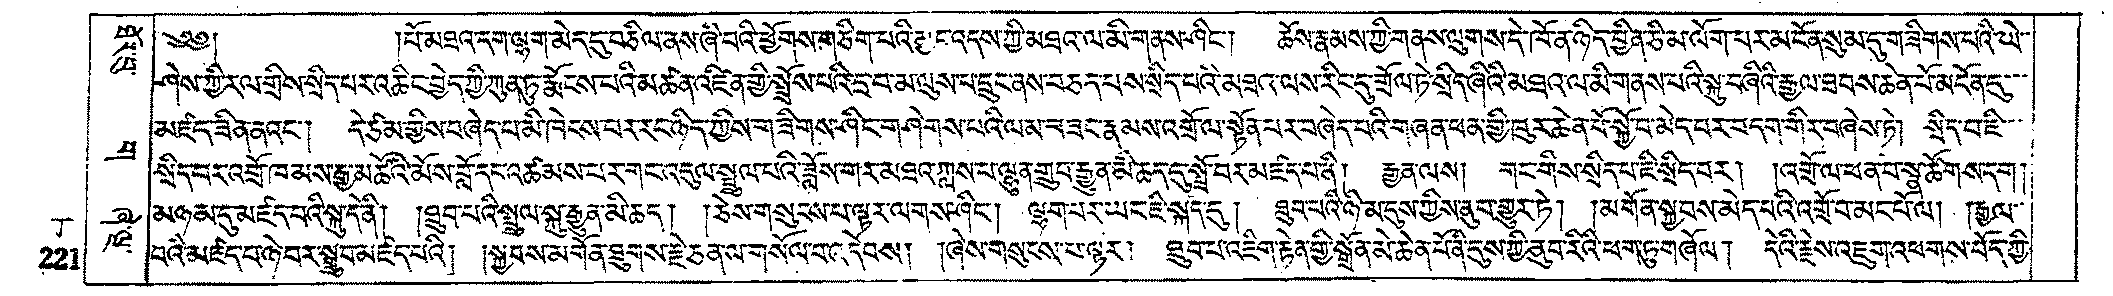༄༅། །པོ་མཐའ་དག་ལྷག་མེད་དུ་བཅིལ་ནས་ཞི་བའི་ཕྱོགས་གཅིག་པའི་མྱང་འདས་ཀྱི་མཐའ་ལ་མི་གནས་ཤིང་། ཆོས་རྣམས་ཀྱི་གནས་ལུགས་དེ་ཁོ་ན་ཉིད་ཕྱིན་ཅི་མ་ལོག་པར་མངོན་སུམ་དུ་གཟིགས་པའི་ཡེ་་་
ཤེས་ཀྱི་རལ་གྲིས་སྲིད་པར་འཆིང་བྱེད་ཀྱི་ཀུན་ཏུ་རྨོངས་པའི་མཚན་འཛིན་གྱི་སྤྲོས་པའི་དྲ་བ་མ་ལུས་པ་དྲུང་ནས་བཅད་པས་སྲིད་པའི་མཐའ་ལས་རིང་དུ་གྲོལ་ཏེ་སྲིད་ཞིའི་མཐའ་ལ་མི་གནས་པའི་སྐུ་བཞིའི་རྒྱལ་ཐབས་ཆེན་པོ་མངོན་དུ་་་
མཛད་ཟིན་ནའང་། དེ་ཙམ་གྱིས་བཞེད་པ་མི་ཁེངས་པར་རང་ཉིད་ཀྱིས་གཟིགས་ཤིང་གཤེགས་པའི་ལམ་བཟང་རྣམས་འགྲོ་ལ་སྟོན་པར་བཞེད་པའི་གཞན་ཕན་གྱི་ཁུར་ཆེན་པོ་སྐྱོ་བ་མེད་པར་བདག་གིར་བཞེས་ཏེ། སྲིད་པ་ཇི་་་
སྲིད་བར་འགྲོ་ཁམས་རྒྱ་མཚོའི་མོས་བློ་དང་འཚམས་པར་གང་འདུལ་སྤྲུལ་པའི་ཟློས་གར་མཐའ་ཀླས་པ་ལྷུན་གྲུབ་རྒྱུན་མི་ཆད་དུ་སྤྲོ་བར་མཛད་པ་ནི། རྒྱན་ལས། གང་གིས་སྲིད་པ་ཇི་སྲིད་བར། །འགྲོ་ལ་ཕན་པ་སྣ་ཚོགས་དག།
མཉམ་དུ་མཛད་པའི་སྐུ་དེ་ནི། །ཐུབ་པའི་སྤྲུལ་སྐུ་རྒྱུན་མི་ཆད། །ཅེས་གསུངས་པ་ལྟར་ལགས་ཤིང་། ལྷག་པར་ཡང་ཇི་སྐད་དུ། ཐུབ་པའི་ཉི་མ་དུས་ཀྱིས་ནུབ་གྱུར་ཏེ། །མགོན་སྐྱབས་མེད་པའི་འགྲོ་བ་མང་པོ་ལ། །རྒྱལ་་་
བའི་མཛད་པ་ཉེ་བར་སྒྲུབ་མཛད་པའི། །སྐྱབས་མགོན་ཐུགས་རྗེ་ཅན་ལ་གསོལ་བ་འདེབས། །ཞེས་གསུངས་པ་ལྟར། ཐུབ་པ་འཇིག་རྟེན་གྱི་སྒྲོན་མེ་ཆེན་པོ་ནི་དུས་ཀྱི་ནུབ་རིའི་ཕག་ཏུ་གཞོལ། དེའི་རྗེས་འཇུག་འཕགས་བོད་ཀྱི་